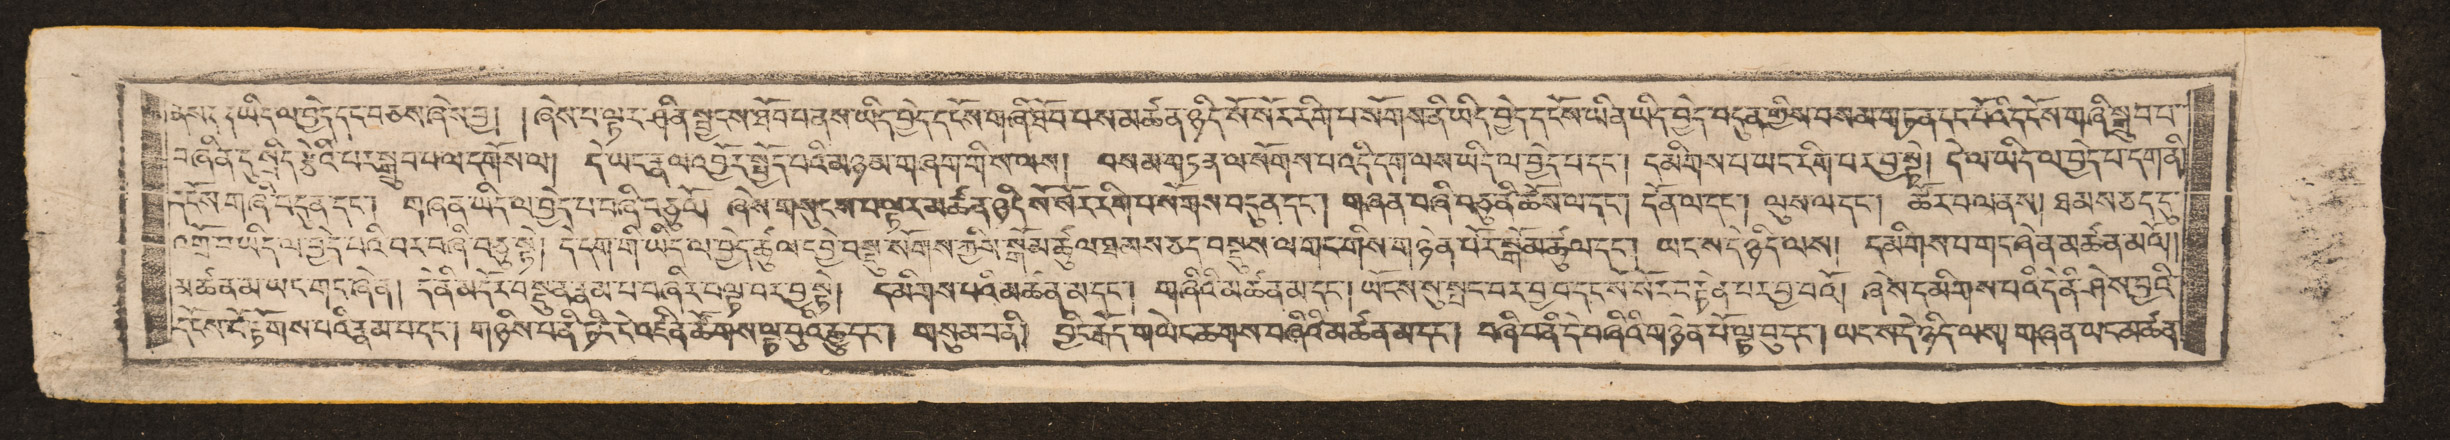ནས༑ ༑ཡིད་ལ་བྱེད་དང་བཅས་ཞེས་བྱ། །ཞེས་པ་ལྟར་ཤིན་སྦྱངས་ཐོབ་པ་ནས་ཡིད་བྱེད་དངོས་གཞི་ཐོབ་པས་མཚན་ཉིད་སོ་སོར་རིག་པ་སོགས་ནི་ཡིད་བྱེད་དངོས་ཡིན་ཡིད་བྱེད་བདུན་གྱིས་བསམ་གཏན་དང་པོའི་དངོས་གཞི་སྒྲུབ་པ་
བཞིན་དུ་སྲིད་རྩེའི་པར་སྒྲུབ་པ་ལ་དགོས་ལ། དེ་ཡང་རྣལ་འབྱོར་སྤྱོད་པའི་མཉམ་གཞག་གི་ས་ལས། བསམ་གཏན་ལ་སོགས་པ་འདི་དག་ལས་ཡིད་ལ་བྱེད་པ་དང་། དམིགས་པ་ཡང་རིག་པར་བྱ་སྟེ། དེ་ལ་ཡིད་ལ་བྱེད་པ་དག་ནི་
དངོས་གཞི་བདུན་དང་། གཞན་ཡིད་ལ་བྱེད་པ་བཞི་བཅུའོ། ཞེས་གསུངས་པ་ལྟར་མཚན་ཉིད་སོ་སོར་རིག་པ་སོགས་བདུན་དང་། གཞན་བཞི་བཅུ་ནི་ཆོས་ལ་དང་། དོན་ལ་དང་། ལུས་ལ་དང་། ཚེར་བ་ལ་ནས། ཐམས་ཅད་དུ་
འགྲོ་བ་ཡིད་ལ་བྱེད་པའི་བར་བཞི་བཅུ་སྟེ། དེ་དག་གི་ཡིད་ལ་བྱེད་ཚུལ་དབྱེ་བསྡུ་སོགས་ཀྱིས་སྒོམ་ཚུལ་ཐམས་ཅད་བསྡུས་ལ་གང་གིས་གཉེན་པོར་སྒོམ་ཚུལ་དང་། ཡང་ས་དེ་ཉིད་ལས། དམིགས་པ་གང་ཞེ་ན་མཚན་མའོ།།
མཚན་མ་ཡང་གང་ཞེ་ན། དེ་ནི་མདོར་བསྡུ་ན་རྣམ་པ་བཞིར་བལྟ་བར་བྱ་སྟེ། དམིགས་པའི་མཚན་མ་དང་། གཞིའི་མཚན་མ་དང་། ཡོངས་སུ་སྤང་བར་བྱ་བ་དང་སོ་སོར་བརྟེན་པར་བྱ་བའོ། ཞེས་དམིགས་པའི་དེ་ནི་ཤེས་བྱའི་
དངོས་པོ་རྟོགས་པའི་རྣམ་པ་དང་། གཉིས་པ་ནི་ཏིང་ངེ་འཛིན་ཚོགས་ལྟ་བུའི་རྒྱུ་དང་། གསུམ་པ་ནི། བྱིང་རྒོད་གཡེང་ཆགས་བཞིའི་མཚན་མ་དང་། བཞི་པ་ནི་དེ་བཞིའི་གཉེན་པོ་ལྟ་བུ་དང་། ཡང་ས་དེ་ཉིད་ལས། གཞན་ཡང་མཚན་